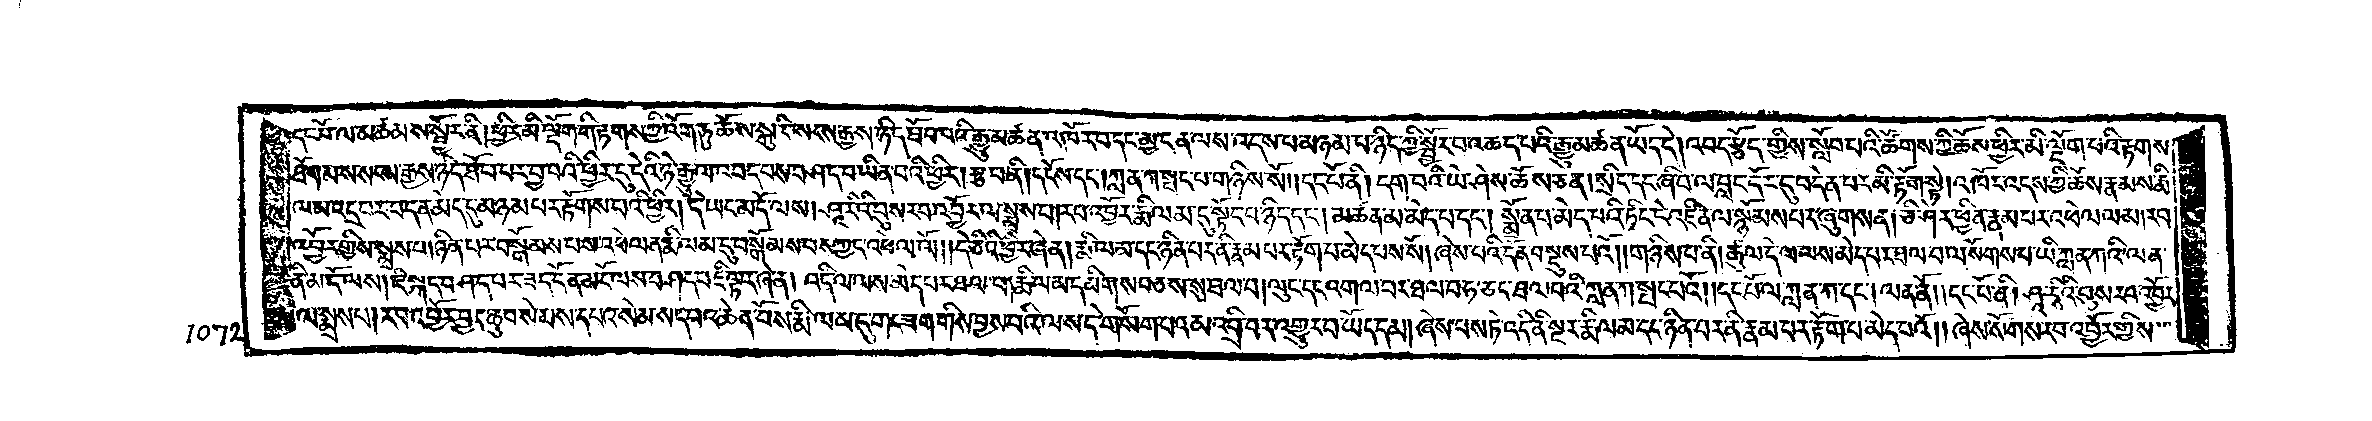དང་པོ་ལ་མཚམས་སྦྱོར་ནི། ཕྱིར་མི་ལྡོག་གི་རྟགས་ཀྱི་འོག་ཏུ་ཆོས་སྐུའི་སངས་རྒྱས་ཉིད་ཐོབ་པའི་རྒྱུ་མཚན་འཁོར་བ་དང་མྱ་ངན་ལས་འདས་པ་མཉམ་པ་ཉིད་ཀྱི་སྦྱོར་བ་འཆད་པའི་རྒྱུ་མཚན་ཡོད་དེ། འབད་རྩོད་གྱིས་སློབ་པའི་ཚོགས་ཀྱི་ཆོས་ཕྱིར་མི་ལྡོག་པའི་རྟགས་
ཐོག་མས་སངས་རྒྱས་ཉིད་ཐོབ་པར་བྱ་བའི་ཕྱིར་དུ་དེའི་ཉེ་རྒྱུ་ལ་འབད་པས་བཤད་པ་ཡིན་པའི་ཕྱིར། རྩ་བ་ནི། དངོས་དང་། ཀླན་ཀ་སྤང་པ་གཉིས་སོ། །དང་པོ་ནི། དག་པའི་ཡེ་ཤེས་ཆོས་ཅན། སྲིད་དང་ཞི་བ་ལ་བླང་དོར་དུ་བདེན་པར་མི་རྟོག་སྟེ། འཁོར་འདས་ཀྱི་ཆོས་རྣམས་རྨི་
ལམ་འདྲ་བར་བདེན་མེད་དུ་མཉམ་པར་རྟོགས་པའི་ཕྱིར། དེ་ཡང་མདོ་ལས། ཤཱ་རིའི་བུས་རབ་འབྱོར་ལ་སྨྲས་པ། རབ་འབྱོར་རྨི་ལམ་དུ་སྟོང་པ་ཉིད་དང་། མཚན་མ་མེད་པ་དང་། སྨྲོན་པ་མེད་པའི་ཏིང་ངེ་འཛིན་ལ་སྙོམས་པར་ཞུགས་ན། ཅི་ཤེར་ཕྱིན་རྣམ་པར་འཕེལ་ལམ། རབ་
འབྱོར་གྱིས་སྨྲས་པ། ཉིན་པར་བསྒོམས་པས་འཕེལ་ན་རྨི་ལམ་དུ་བསྒོམས་པས་ཀྱང་འཕེལ་ལོ། །དེ་ཅིའི་ཕྱིར་ཞེ་ན། རྨི་ལམ་དང་ཉིན་པར་ནི་རྣམ་པར་རྟོག་པ་མེད་པས་སོ། ཞེས་པའི་དོན་བསྡུས་པའོ། །གཉིས་པ་ནི། ཚུལ་དེ་ལ་ལས་མེད་པར་ཐལ་བ་ལ་སོགས་པ་ཡི་ཀླན་ཀའི་ལན་
ནི་མདོ་ལས། ཇི་སྐད་བཤད་པར་ཟད་དོན་མདོ་ལས་བཤད་པ་ཇི་ལྟར་ཞེ་ན། འདི་ལ་ལས་མེད་པར་ཐལ་བ། རྨི་ལམ་དམིགས་བཅས་སུ་ཐལ་བ། ལུང་དང་འགལ་བར་ཐལ་བ་ཧ་ཅང་ཐལ་བའི་ཀླན་ཀ་སྤང་པའོ། །དང་པོ་ལ་ཀླན་ཀ་དང་། ལན་ནོ། །དང་པོ་ནི། ཤཱ་རྭིའི་བུས་རབ་འབྱོར་
ལ་སྨྲས་པ། རབ་འབྱོར་བྱང་ཆུབ་སེམས་དཔའ་སེམས་དཔའ་ཆེན་པོས་རྨི་ལམ་དུ་གང་ཟག་གིས་བྱས་བའི་ལས་དེ་གསོག་པའམ་འབྲི་བར་འགྱུར་བ་ཡོད་དམ། ཞེས་པས་ཏེ་འདི་ནི་སྔར་རྨི་ལམ་དང་ཉིན་པར་ནི་རྣམ་པར་རྟོག་པ་མེད་པའོ། །ཞེས་སོགས་རབ་འབྱོར་གྱིས་